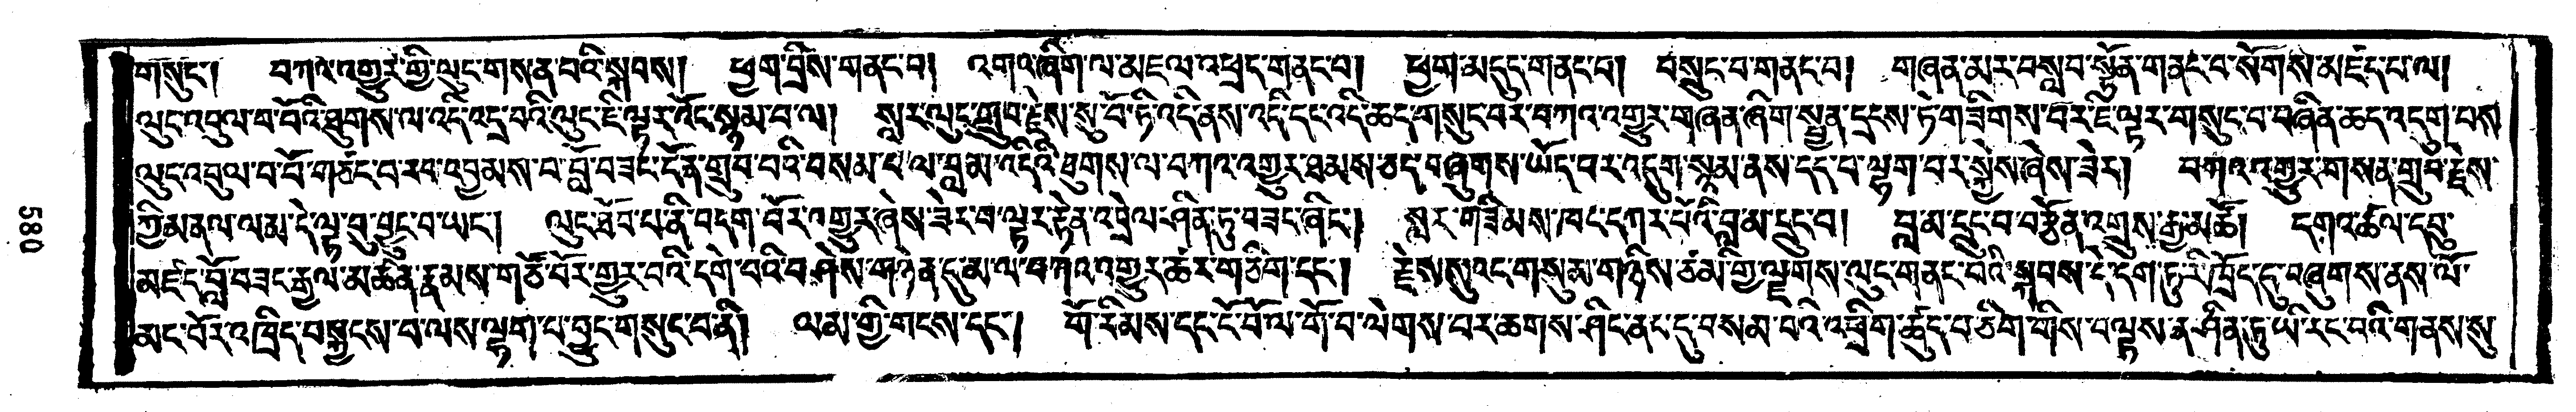གསུང་། བཀའ་འགྱུར་གྱི་ལུང་གསན་བའི་སྐབས། ཕྱག་བྲིས་གནང་བ། འགའ་ཞིག་ལ་མཇལ་འཕྲད་གནང་བ། ཕྱག་མདུད་གནང་བ། བསྲུང་བ་གནང་བ། གཞན་མར་བསླབ་སྟོན་གནང་བ་སོགས་མཛད་པ་ལ།
ལུང་འབུལ་བ་བོའི་ཐུགས་ལ་འདི་འདྲ་བའི་ལུང་ཇི་ལྟར་འོང་སྙམ་བ་ལ། སླར་ལུང་གྲུབ་རྗེས་སུ་བོ་ཏི་འདི་ནས་འདི་དང་འདི་ཆད་གསུང་བར་བཀའ་འགྱུར་གཞན་ཞིག་སྤྱན་དྲངས་ཏེ་གཟིགས་བར་ཇི་ལྟར་གསུང་བ་བཞིན་ཆད་འདུག་པས་
ལུང་འབུལ་བ་པོ་གཙང་བ་རབ་འབྱམས་པ་བློ་བཟང་དོན་གྲུབ་པའི་བསམ་པ་ལ་བླ་མ་འདིའི་ཐུགས་ལ་བཀའ་འགྱུར་ཐམས་ཅད་བཞུགས་ཡོད་པར་འདུག་སྙམ་ནས་དད་པ་ལྷག་པར་སྐྱེས་ཞེས་ཟེར། བཀའ་འགྱུར་གསན་གྲུབ་རྗེས་
ཀྱི་མནལ་ལམ་དེ་ལྟ་བུ་བྱུང་བ་ཡང་། ལུང་ཐོབ་པ་ནི་བདག་བོར་འགྱུར་ཞེས་ཟེར་བ་ལྟར་རྟེན་འབྲེལ་ཤིན་ཏུ་བཟང་ཞིང་། སླར་གཟིམས་ཁང་དཀར་པོའི་བླ་མ་དྲུང་བ། བླ་མ་དྲུང་བ་བརྩོན་འགྲུས་རྒྱ་མཚོ། དགའ་ཚལ་དབུ་
མཛད་བློ་བཟང་རྒྱལ་མཚན་རྣམས་གཙོ་བོར་གྱུར་བའི་དགེ་བའི་བཤེས་གཉེན་དུ་མ་ལ་བཀའ་འགྱུར་ཚར་གཅིག་དང་། རྗེས་སུའང་གསུམ་གཉིས་ཙམ་གྱི་ལྗགས་ལུང་གནང་བའི་སྐབས་དེ་དག་ཏུ་རི་ཁྲོད་དུ་བཞུགས་ནས་ལོ་
མང་པོར་འཁྲིད་བསྐྱངས་བ་ལས་ལྷག་པ་བྱུང་གསུང་བ་ནི། ལམ་གྱི་གངས་དང་། གོ་རིམས་དང་ངོ་བོ་ལ་གོ་བ་ལེགས་པར་ཆགས་ཤིང་ནང་དུ་བསམ་བའི་འཕྲིག་ཚུད་པ་ཅིག་གིས་བལྟས་ན་ཤིན་ཏུ་ཡི་རང་བའི་གནས་